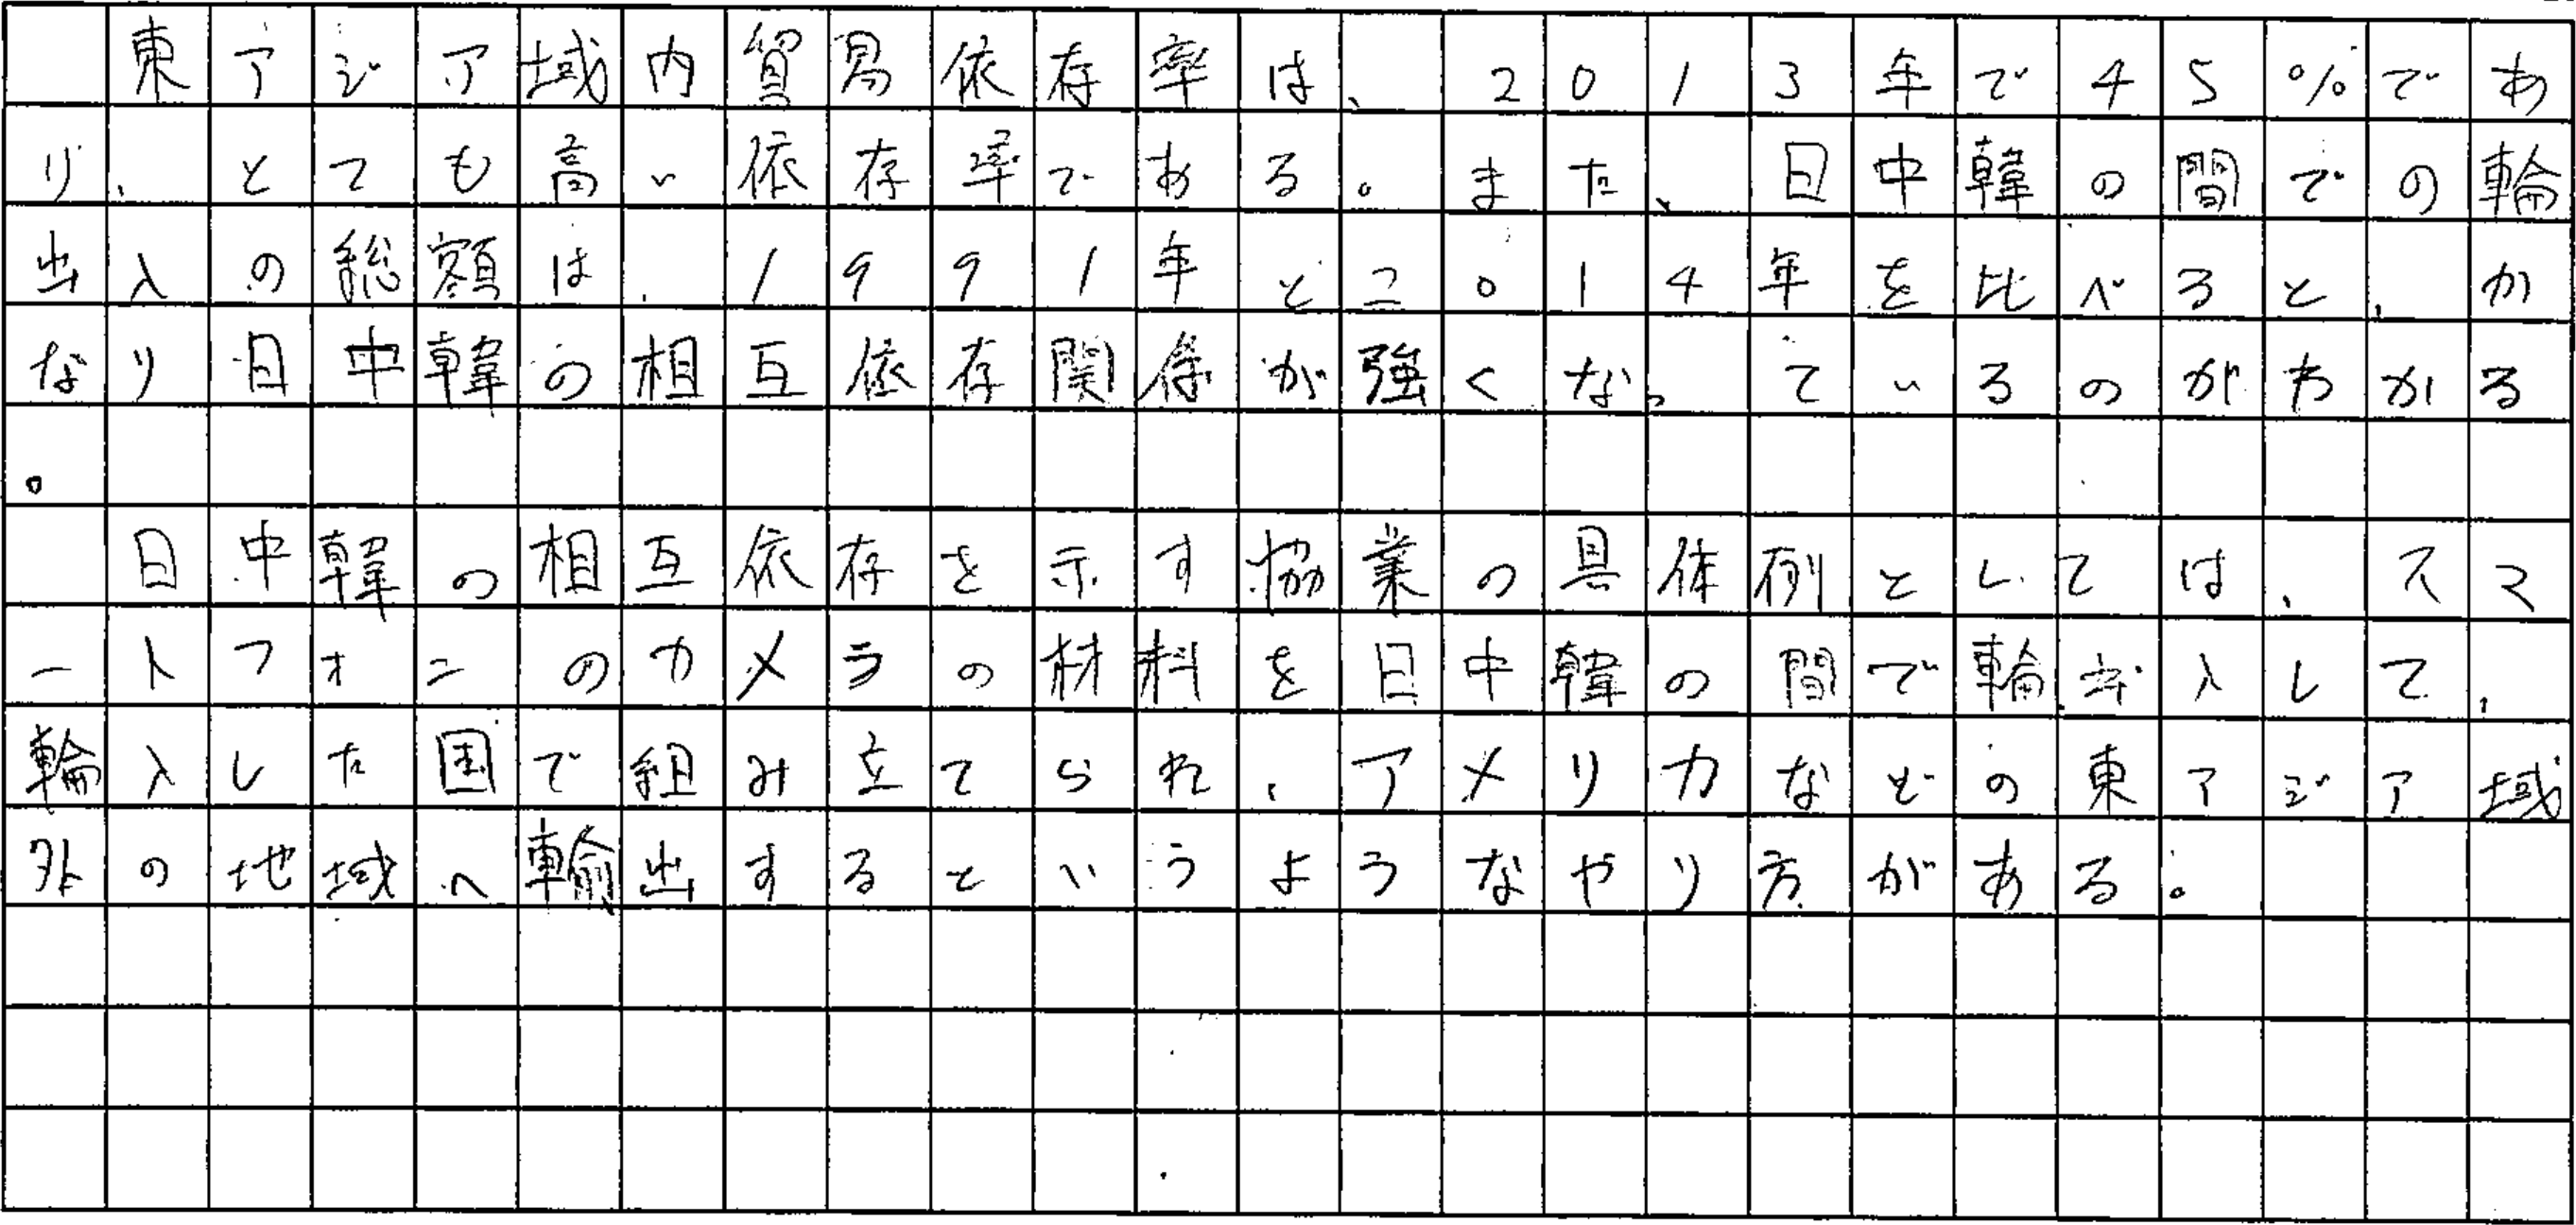　東アジア域内貿易依存率は、２０１３年で４５％であり、とても高い依存率である。また、日中韓の間での輪出入の総額は、１９９１年と２０１４年を比べると、かなり日中韓の相互依存関係が強くなっているのがわかる。
　日中韓の相互依存を示す協業の具体例としては、スマートフォンのカメラの材料を日中韓の間で輪出入して、輪入した国で組み立てられ、アメリカなどの東アジア域外の地域へ輸出するというようなやり方がある。
